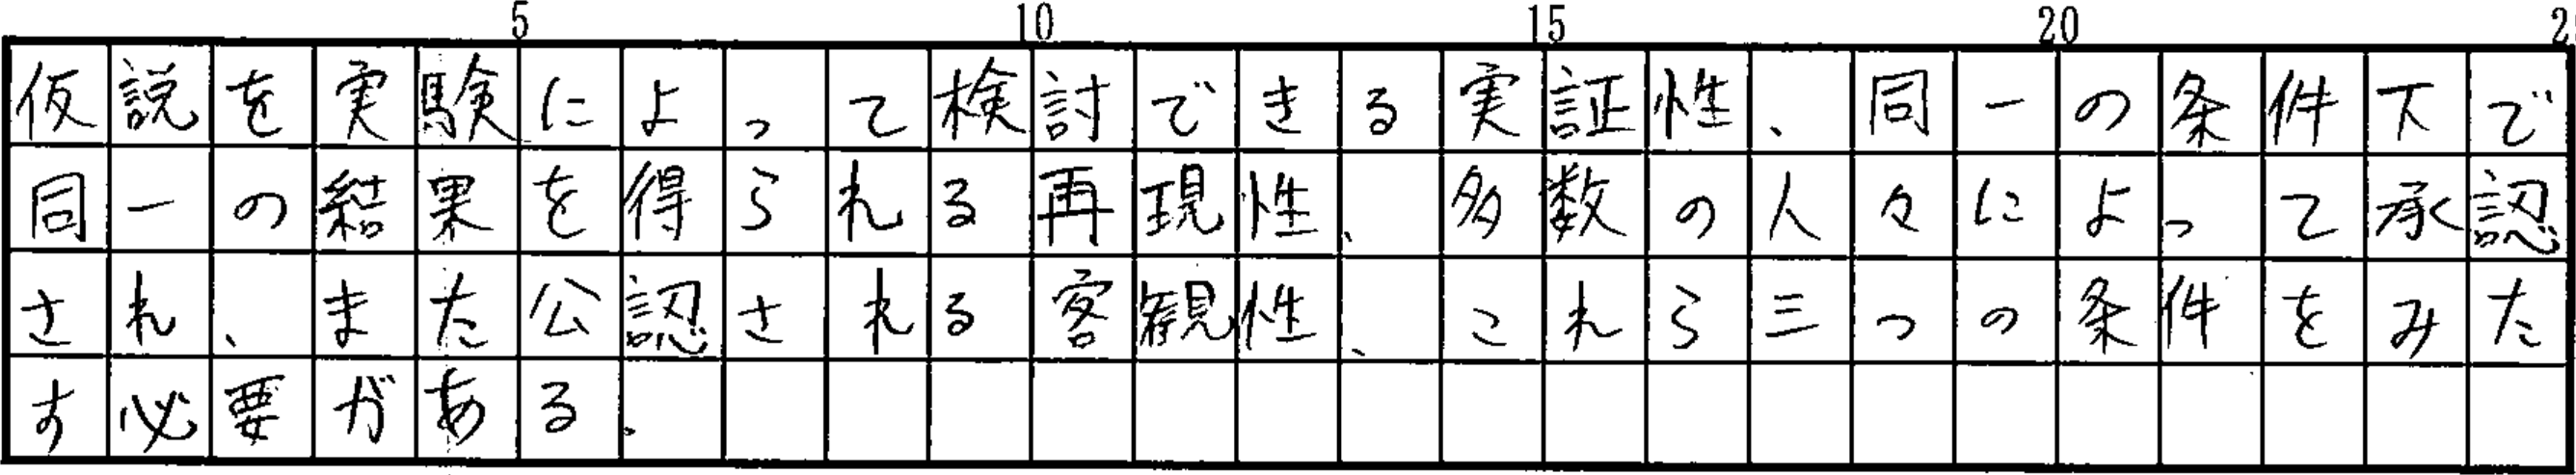仮説を実験によって検討できる実証性、同一の条件下で同一の結果を得られる再現性、多数の人々によって承認され、また公認される客観性、これら三つの条件をみたす必要がある。
